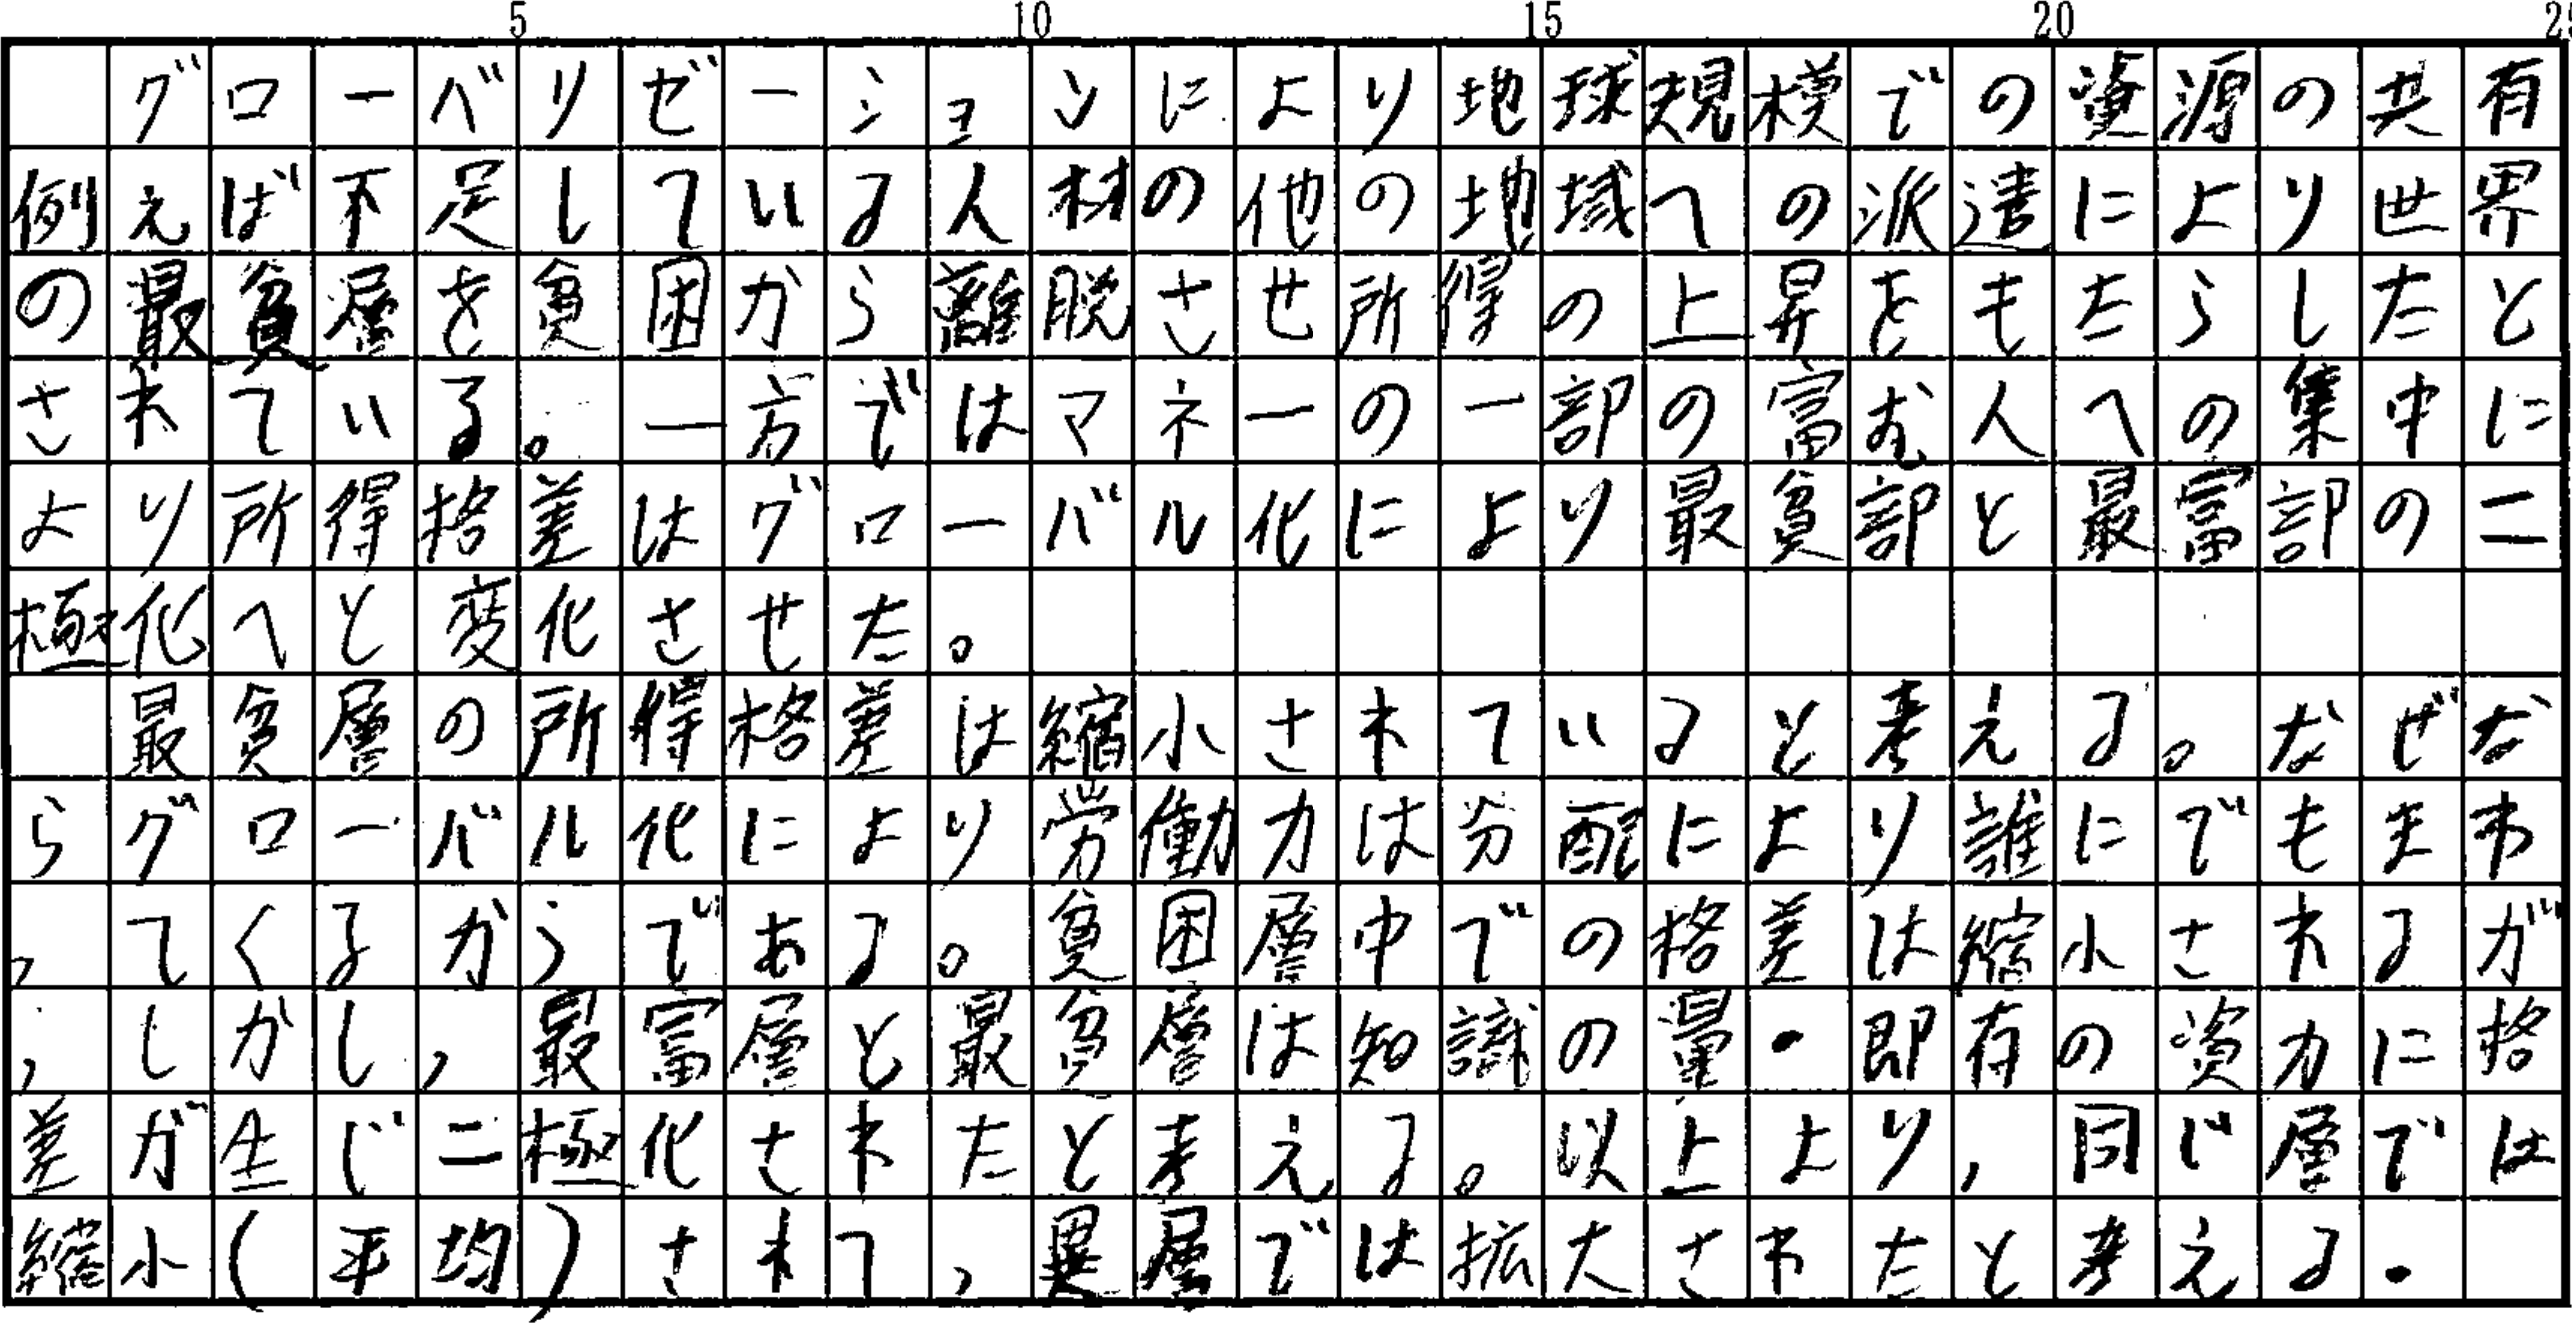　グローバリゼーションにより地球規模での資源の共有例えば不足している人材の他の地▁への派遣により世界の最貧層を貧困から離脱させ所得の上昇をもたらしたとされている。一方ではマネーの一部の富む人への集中により所得格差はグローバル化により最貧部と最富部の二極化へと変化させた。
　最貧層の所得格差は縮小されていると考える。なぜならグローバル化により労働力は分配により誰にでもまわってくるからである。貧困層中での格差は縮小されるが、しかし、最富層と最貧層は知識の量・即存の資力に格差が生じ二極化されたと考える。以上より、同じ層では縮小（平均）されて、異層では拡大されたと考える。
